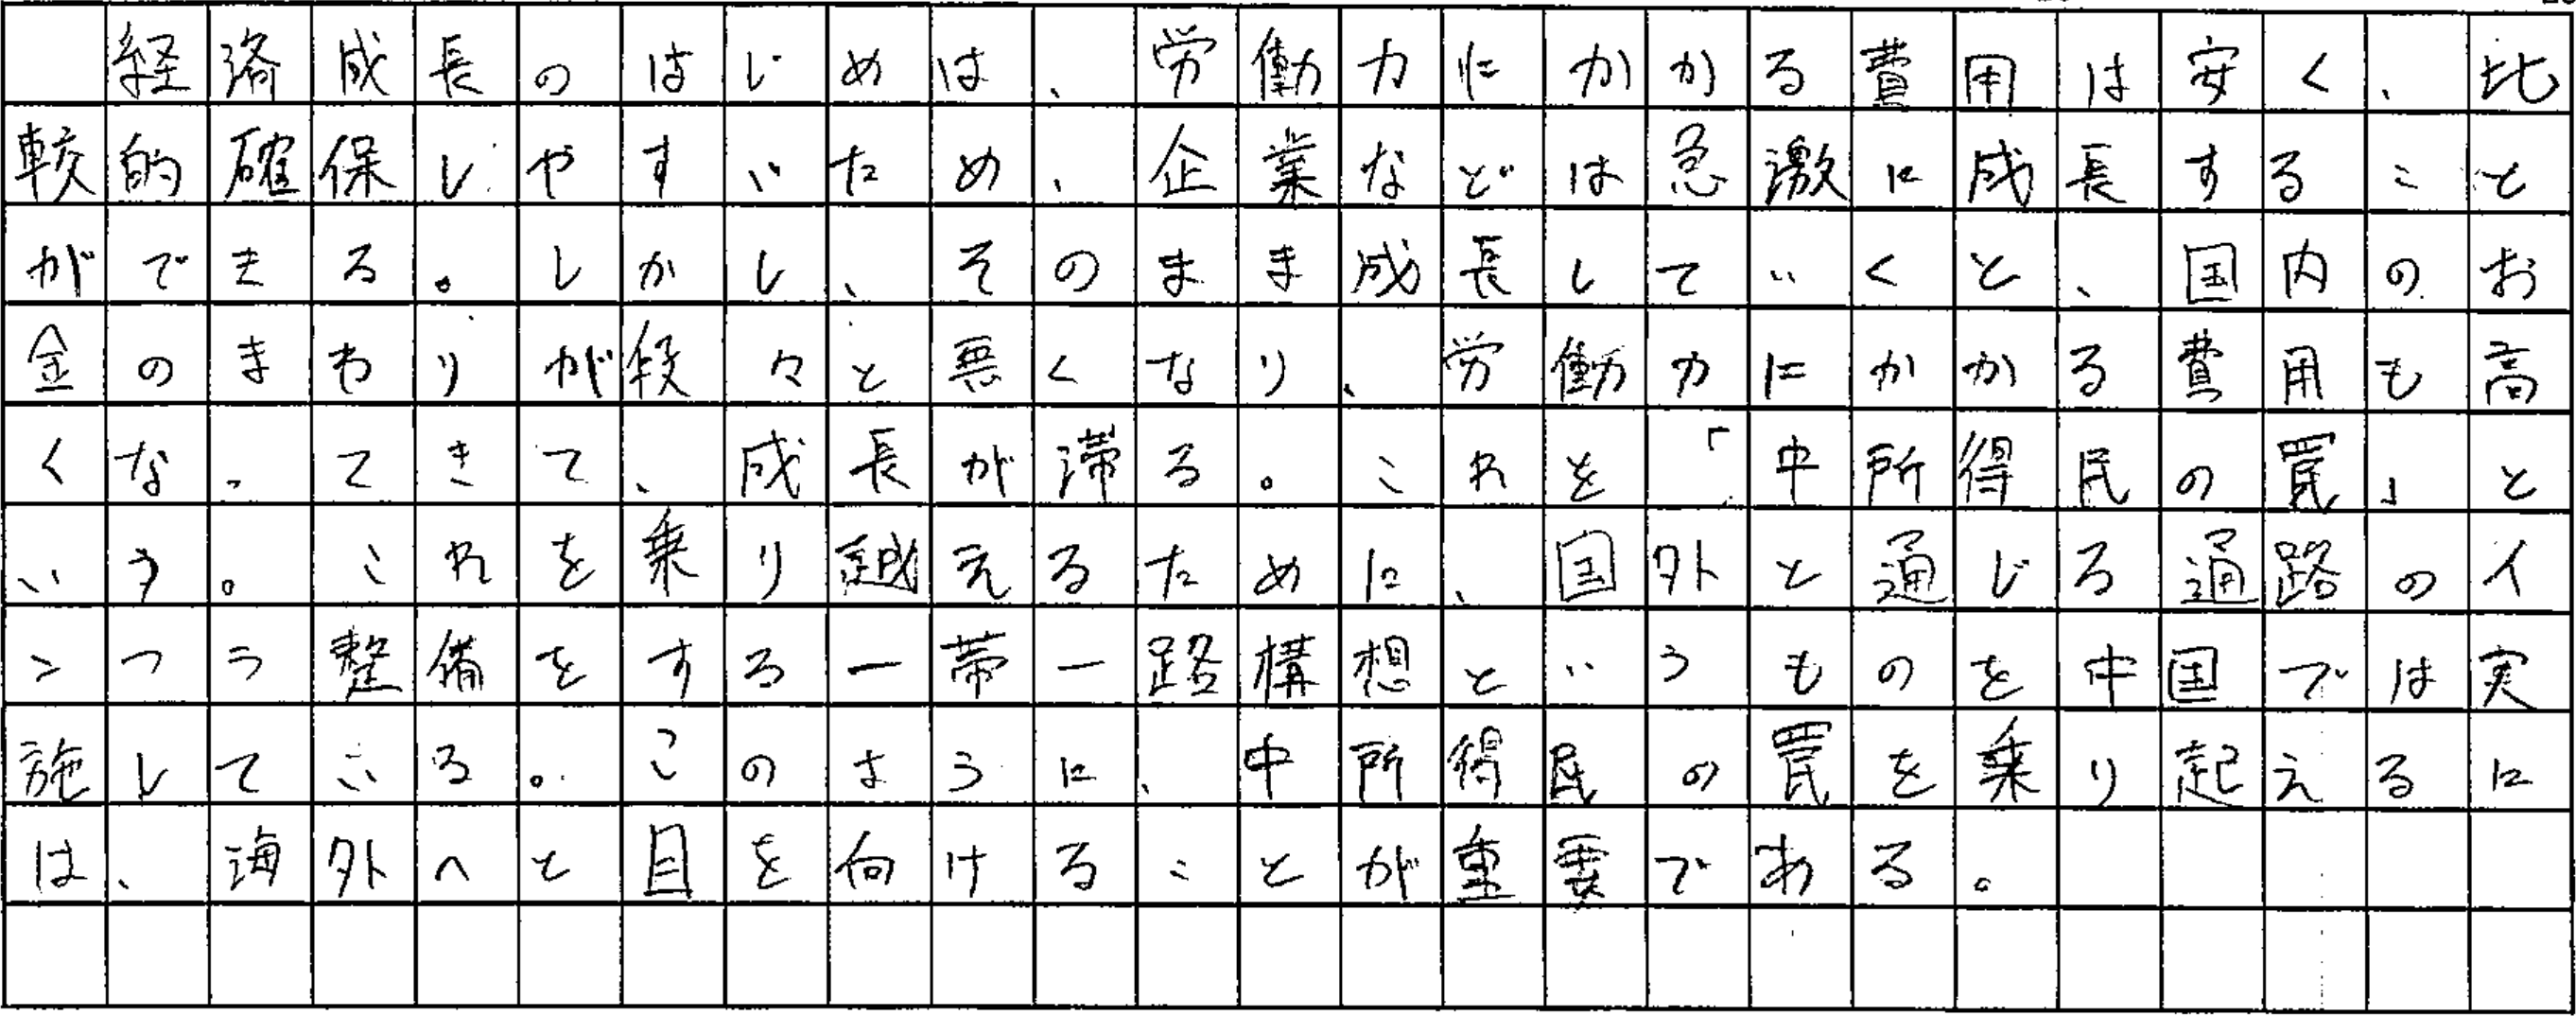　経済成長のはじめは、労働力にかかる費用は安く、比較的確保しやすいため、企業などは急激に成長することができる。しかし、そのまま成長していくと、国内のお金のまわりが段々と悪くなり、労働力にかかる費用も高くなってきて、成長が滞る。これを「中所得民の罠」という。これを乗り越えるために、国外と通じる通路のインフラ整備をする一帯一路構想というものを中国では実施している。このように、中所得民の罠を乗り起えるには、海外へと目を向けることが重要である。
